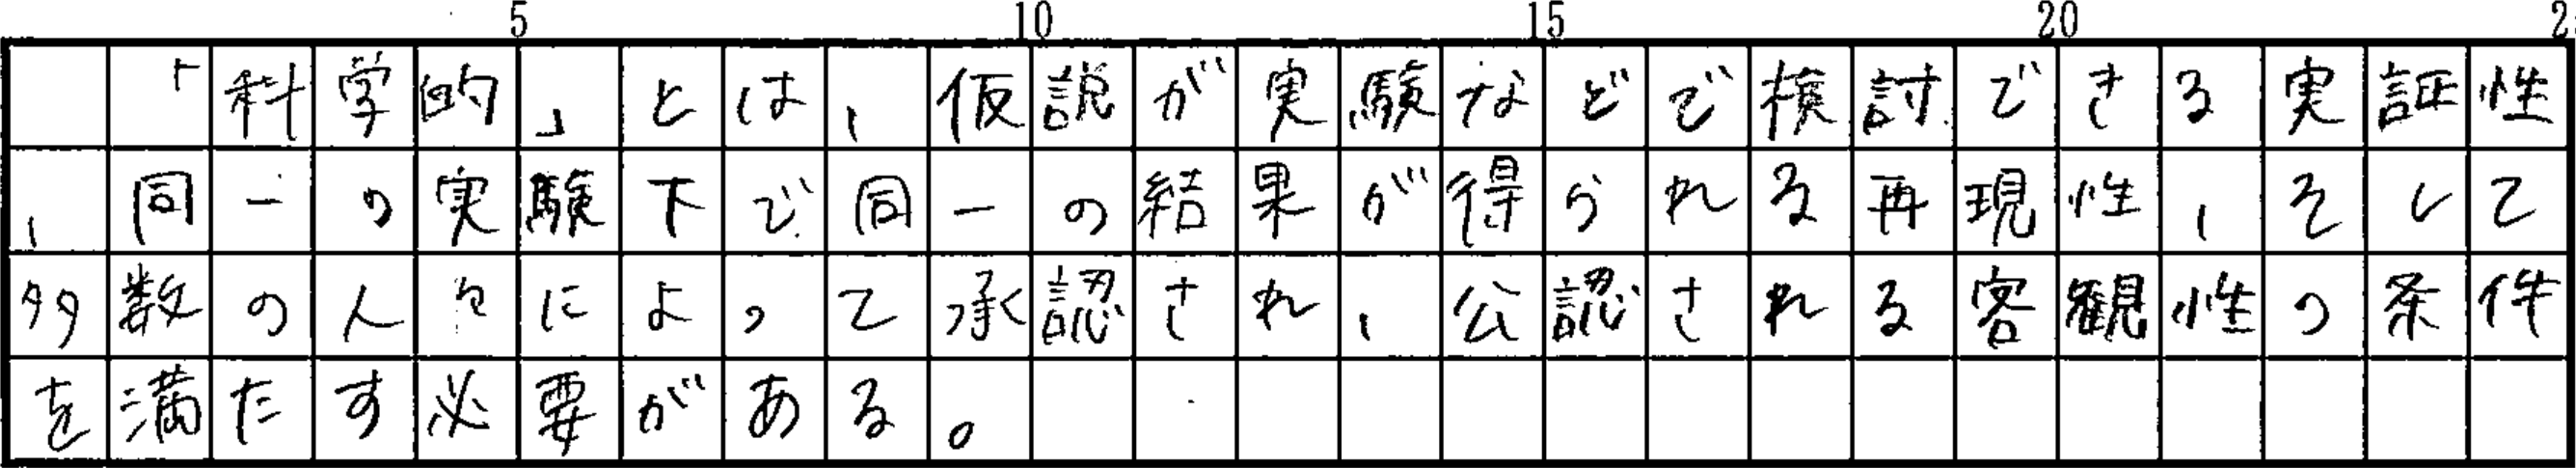　「科学的」とは、仮説が実験などで検討できる実証性、同一の実験下で同一の結果が得られる再現性、そして多数の人々によって承認され、公認される客観性の条件を満たす必要がある。
